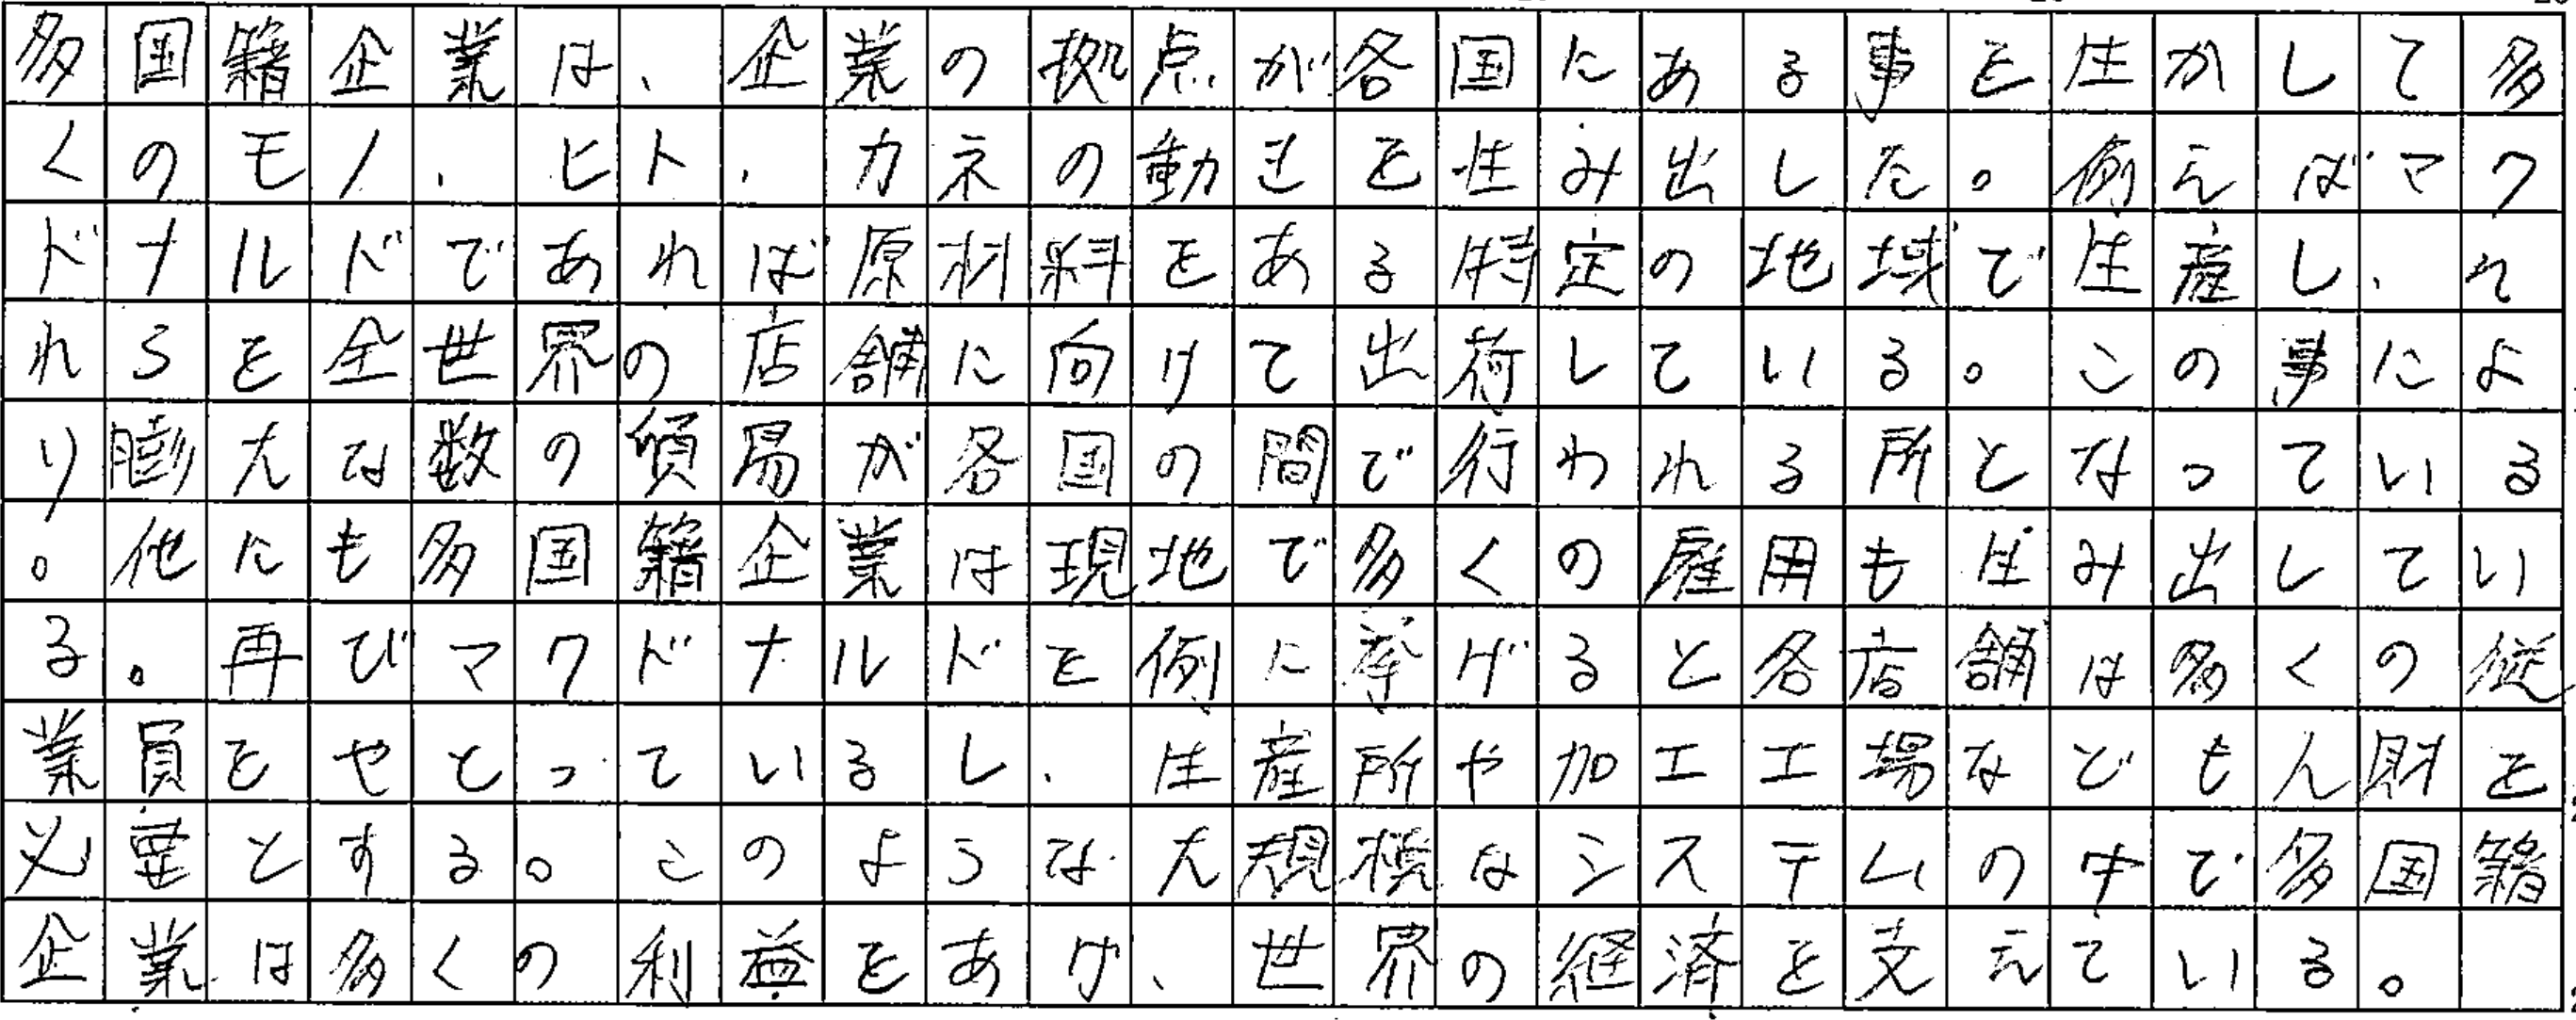多国籍企業は、企業の拠点が各国にある事を生かして多くのモノ、ヒト、カネの動きを生み出した。例えばマクドナルドであれば原材料をある特定の地域で生産し、それらを全世界の店舗に向けて出荷している。この事により膨大な数の貿易が各国の間で行われる所となっている。他にも多国籍企業は現地で多くの雇用も生み出している。再びマクドナルドを例に挙げると各店舗は多くの従業員をやとっているし、生産所や加工工場なども人財を必要とする。このような大規模なシステムの中で多国籍企業は多くの利益をあげ、世界の経済を支えている。
